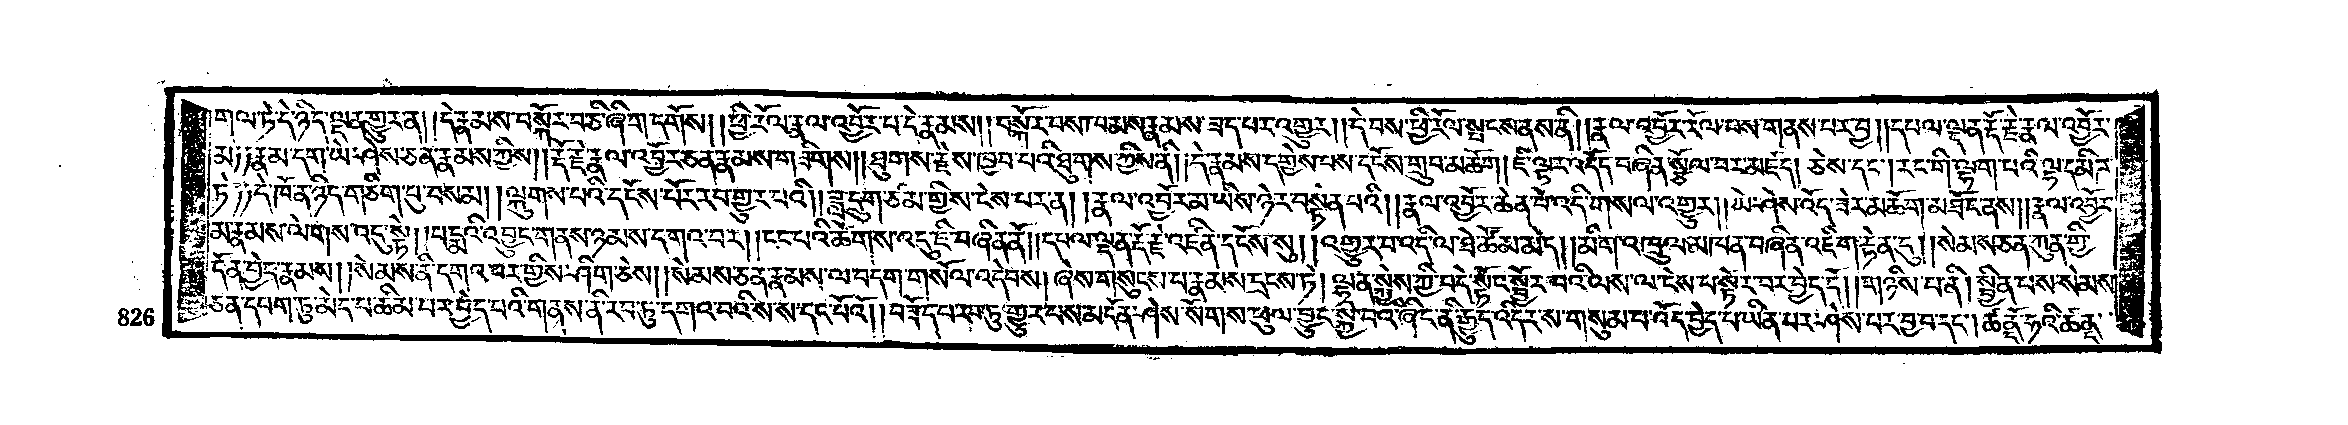གལ་ཏེ་དེ་ཉིད་ལྡན་གྱུར་ན། །དེ་རྣམས་བསྐོར་བ་ཅི་ཞིག་དགོས། །ཕྱི་རོལ་རྣལ་འབྱོར་པ་དེ་རྣམས། །བསྐོར་བས་ཁམས་རྣམས་ཟད་པར་འགྱུར། །དེ་བས་ཕྱི་རོལ་སྤངས་ནས་ནི། །རྣལ་འབྱོར་རོལ་པས་གནས་པར་བྱ། །དཔལ་ལྡན་རྡོ་རྗེ་རྣལ་འབྱོར་
མ། །རྣམ་དག་ཡེ་ཤེས་ཅན་རྣམས་ཀྱིས། །རྡོ་རྗེ་རྣལ་འབྱོར་ཅན་རྣམས་གཟིགས། །ཐུགས་རྗེས་ཁྱབ་པའི་ཐུགས་ཀྱིས་ནི། །དེ་རྣམས་དགྱེས་པས་དངོས་གྲུབ་མཆོག །ཇི་ལྟར་འདོད་བཞིན་སྩོལ་བར་མཛད། ཅེས་དང་། རང་གི་ལྷག་པའི་ལྷ་དམིགས་
ཏེ། །དེ་ཁོ་ན་ཉིད་གཅིག་པུ་བསམ། །ལྐུགས་པའི་དངོས་པོར་རབ་གྱུར་པའི། །ཟླ་དྲུག་ཙམ་གྱིས་ངེས་པར་ནི། །རྣལ་འབྱོར་མ་ཡིས་ཉེར་བསྟེན་པའི། །རྣལ་འབྱོར་ཆེན་པོ་འདི་གསལ་འགྱུར། །ཡེ་ཤེས་འོད་ཟེར་མཆོག་མཐོང་ནས། །རྣལ་འབྱོར་
མ་རྣམས་ལེགས་འདུ་སྟེ། །པདམའི་འབྱུང་གནས་ཉམས་དགའ་བར། །ངང་པའི་ཚོགས་འདུ་ཇི་བཞིན་ནོ། །དཔལ་ལྡན་རྡོ་རྗེ་འཛིན་དངོས་སུ། །འགྱུར་བ་འདི་ལ་ཐེ་ཚོམ་མེད། །མིག་འཁྲུལ་མཁན་བཞིན་འཇིག་རྟེན་དུ། །སེམས་ཅན་ཀུན་གྱི་
དོན་བྱེད་རྣམས། །སེམས་ནི་དགའ་བར་གྱིས་ཤིག་ཅེས། །སེམས་ཅན་རྣམས་ལ་བདག་གསོལ་འདེབས། ཞེས་གསུངས་པ་རྣམས་དྲངས་ཏེ། ལྷན་སྐྱེས་ཀྱི་བདེ་སྟོང་སྦྱོར་བའི་ལས་ལ་ངེས་པ་སྟེར་བར་བྱེད་དོ། །གཉིས་པ་ནི། སྦྱིན་པས་སེམས་
ཅན་དཔག་ཏུ་མེད་པ་ཚིམ་པར་བྱེད་པའི་གནས་ནི་རབ་ཏུ་དགའ་བའི་ས་ས་དང་པོའོ། །བཟོད་པ་རབ་ཏུ་གྱུར་པས་མངོན་ཤེས་སོགས་ཕུལ་བྱུང་སྐྱེ་བའི་ཞིང་ནི་རྒྱུད་འདིར་ས་གསུམ་པ་འོད་བྱེད་པ་ཡིན་པར་ཤེས་པར་བྱ་བ་དང་། ཚནྡོ་ཧའི་ཚནྡ་